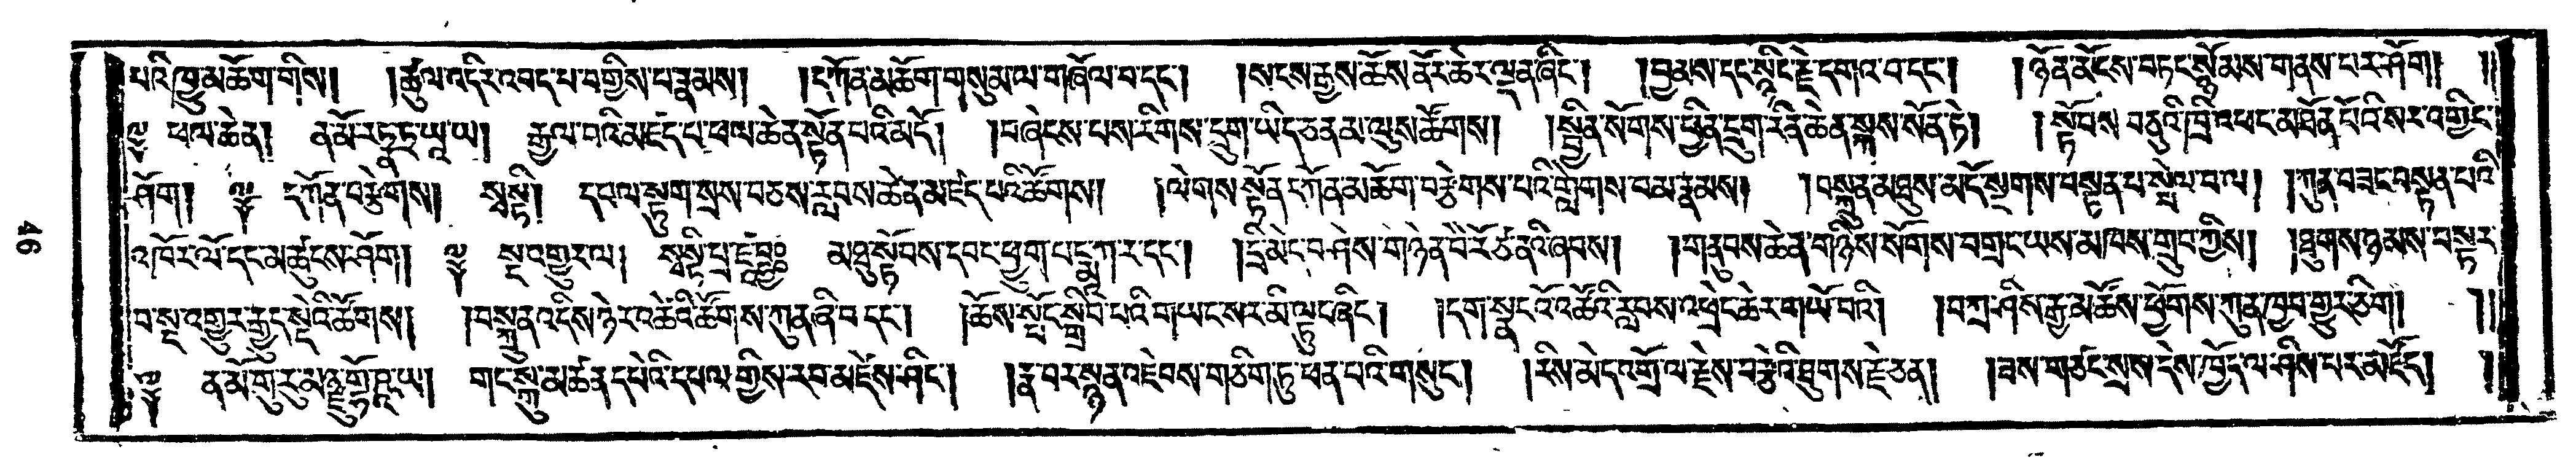པའི་ཁྱུ་མཆོག་གིས། །ཚུལ་འདིར་འབད་པ་བགྱིས་པ་རྣམས། །དཀོན་མཆོག་གསུམ་ལ་གཞོལ་པ་དང་། །སངས་རྒྱས་ཆོས་ནོར་ཆེར་ལྡན་ཞིང་། །བྱམས་དང་སྙིང་རྗེ་དགའ་བ་དང་། །ཉོན་མོངས་བཏང་སྙོམས་གནས་པར་ཤོག། །།
༈ ཕལ་ཆེན། ན་མོ་རཏྣ་ཏྲ་ཡཱ་ཡ། རྒྱལ་བའི་མཛད་པ་ཕལ་ཆེན་སྟོན་པའི་མདོ། །བཞེངས་པས་རིགས་དྲུག་ཡིད་ཅན་མ་ལུས་ཚོགས། །སྦྱིན་སོགས་ཕྱིན་དྲུག་རིན་ཆེན་སྐས་སོན་ཏེ། །སྟོབས་བཅུའི་ཁྲི་འཕང་མཐོན་པོའི་སར་འགྱིང་
ཤོག། ༈ དཀོན་བརྩེགས། སྭསྟི། དཔལ་སྟུག་སྲས་བཅས་རླབས་ཆེན་མཛད་པའི་ཚོགས། །ལེགས་སྟོན་དཀོན་མཆོག་བརྩེགས་པའི་གླེགས་བམ་རྣམས། །བསྐྲུན་མཐུས་མདོ་སྔགས་བསྟན་པ་སྤེལ་བ་ལ། །ཀུན་བཟང་བསྟན་པའི་
འཁོར་ལོ་དང་མཚུངས་ཤོག། ༈ སྔ་འགྱུར་ལ། སྭསྟི་པྲ་ཛཱ་བྷྱཿ མཐུ་སྟོབས་དབང་ཕྱུག་པདམཱ་ཀ་ར་དང་། །དྲི་མེད་བཤེས་གཉེན་བཻ་རོ་ཙ་ནའི་ཞབས། །གནུབས་ཆེན་གཉིས་སོགས་བགྲང་ཡས་མཁས་གྲུབ་ཀྱིས། །ཐུགས་ཉམས་བསྟར་
བ་སྔ་འགྱུར་རྒྱུད་སྡེའི་ཚོགས། །བསྐྲུན་འདིས་ཉེར་འཚེའི་ཚོགས་ཀུན་ཞི་བ་དང་། །ཆོས་སྤོང་སྒྲིབ་པའི་གཡང་སར་མི་ལྟུང་ཞིང་། །དག་སྣང་འོ་འཚོའི་རླབས་འཕྲེང་ཆེར་གཡོ་བའི། །བཀྲ་ཤིས་རྒྱ་མཚོས་ཕྱོགས་ཀུན་ཁྱབ་གྱུར་ཅིག། །།
༈ ན་མོ་གུ་རུ་མཉྫུ་གྷོ་ཥཱ་ཡ། གང་སྐུ་མཚན་དཔེའི་དཔལ་གྱིས་རབ་མཛེས་ཤིང་། །རྣ་བར་སྙན་འཇེབས་གཅིག་ཏུ་ཕན་པའི་གསུང་། །རིས་མེད་འགྲོ་ལ་རྗེས་བརྩེའི་ཐུགས་རྗེ་ཅན། །ཟས་གཙང་སྲས་དེས་ཁྱོད་ལ་ཤིས་པར་མཛོད། །